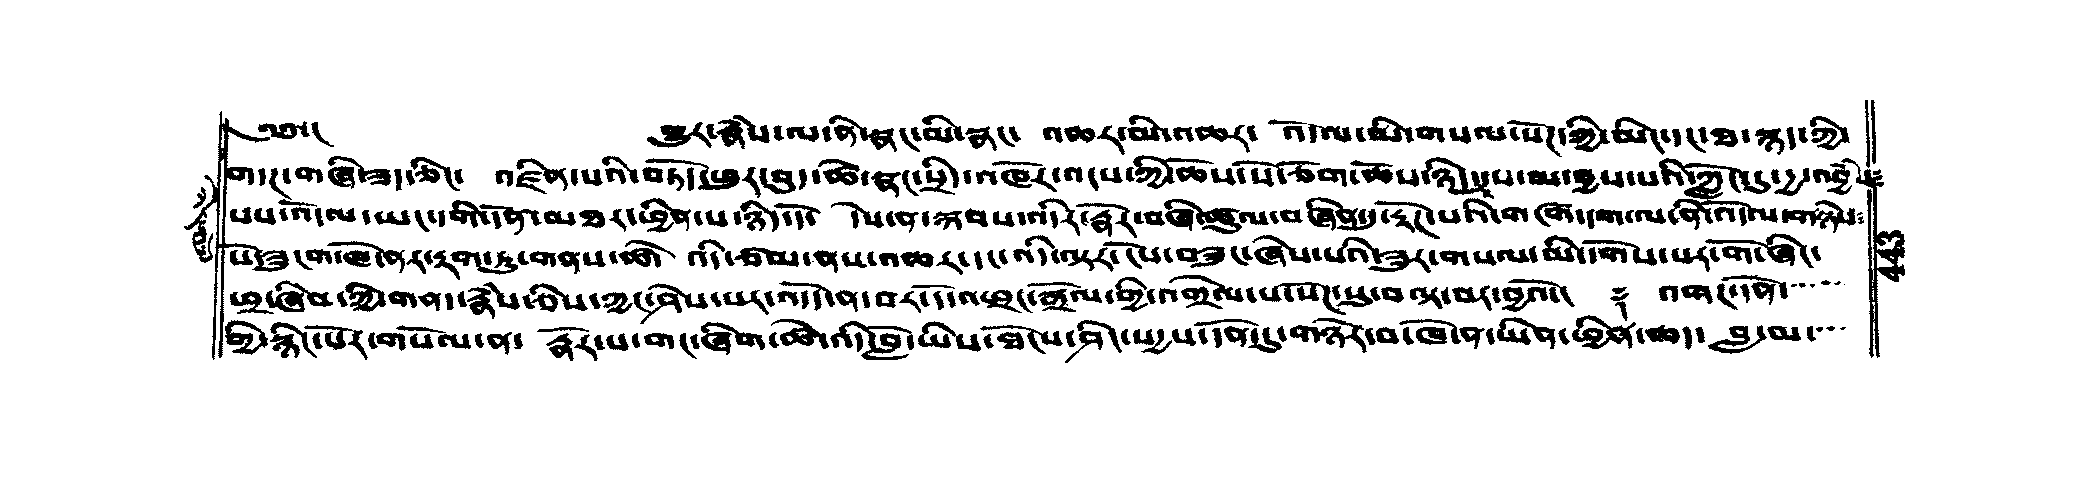གྱུར་རྣམས་ལ་ནི་སྣང་མི་སྣང་། འཆར་མི་འཆར། འོད་གསལ་སོགས་ཀྱི་མིང་དང་ཐ་སྙད་ཀྱི་
གདགས་གཞི་ཟད་ཅིང་། འཛིན་པའི་གཏོད་ཕུར་བུད་ཚེ་སྣང་སྲིད་འཁོར་འདས་ཀྱི་ཆོས་སོ་ཅོག་ཆོས་ཉིད་འདུས་མ་བྱས་པའི་ཀློང་དུ་རྒྱ་འབྱམས་
པས་འོད་གསལ་ཡང་དག་གི་དོན་མཐར་ཕྱིན་པ་ཉིད་དོ། དེས་ན་སྐབས་འདིར་རྣལ་འབྱོར་བཞི་ཚུལ་བཞིན་་དུ་རྟོགས་པའི་གདམས་ངག་ལ་ནི་འོད་གསལ་་གཉིས་
པོ་ཟུང་འཇུག་ཁོ་ནར་རྟག་ཏུ་གནས་ཚེ། འདི་ཙམ་ནས་འཆར་དང་འདི་ལྟར་ངོས་བཟུང་ཞེས་པའི་ཟུར་གསལ་མི་དགོས་པར་གོ་ཞིང་
ཕྲ་ཞིབ་ཀྱི་གནད་རྣམསཅིས་ཀྱང་ཤེས་པར་འདོད་ན་བར་དོ་ན་་བར་དོ་འཕྲང་གྲོལ་གྱི་འགྲེལ་པ་སོགས་སུ་བལྟ་བར་བྱའོ། འགགས་དོན་
གྱི་སྙིང་པོར་གསོལ་ན། རྣལ་འབྱོར་གང་ཞིག་ཚེ་འདི་བློ་ཡིས་ཐོངས་ཤིང་སངས་རྒྱས་དོན་དུ་གཉེར་བ་ཁོ་ན་ཡིན་ཕྱིན་ཆད། བླ་མ་